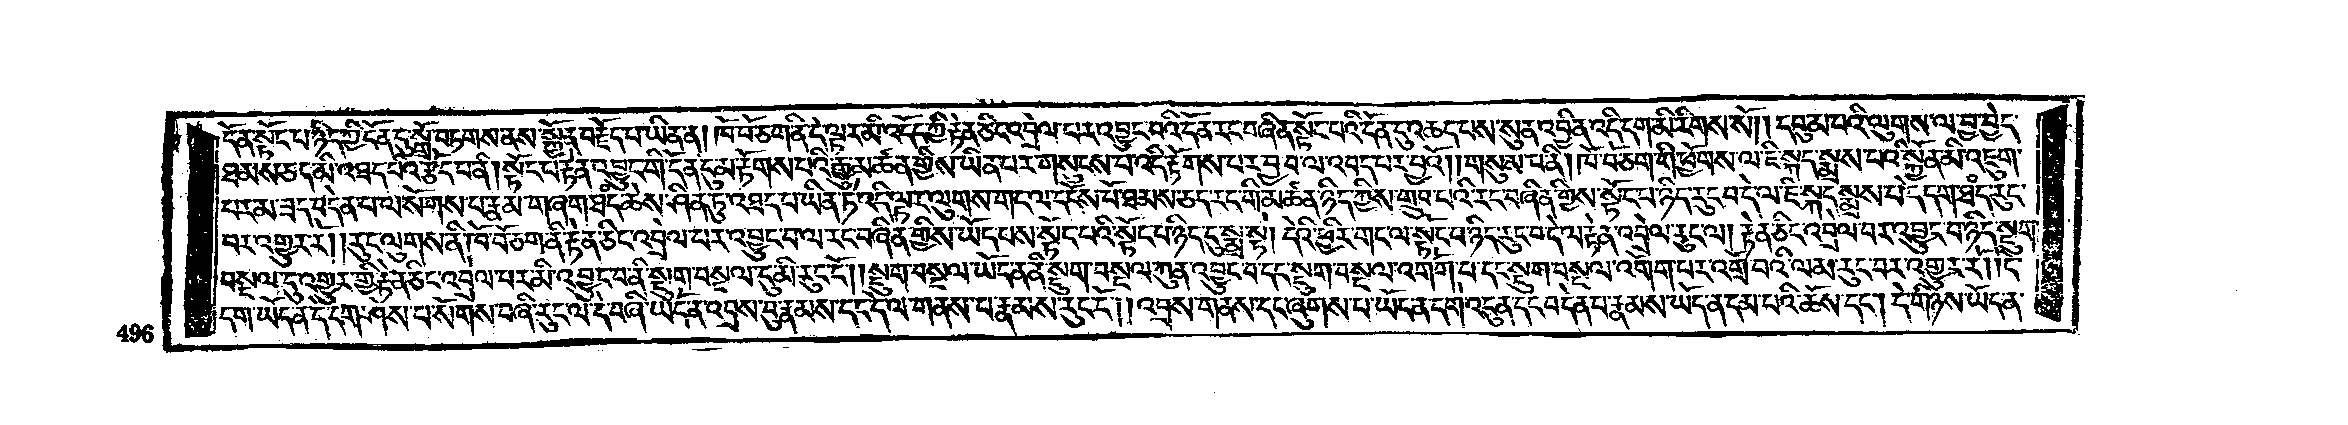དོན་སྟོང་པ་ཉིད་ཀྱི་དོན་དུ་སྒྲོ་བཏགས་ནས་སྐྱོན་བརྗོད་པ་ཡིན་ན། ཁོ་བོ་ཅག་ན་དེ་ལྟར་མི་འདོད་ཀྱི་རྟེན་ཅིང་འབྲེལ་པར་འབྱུང་བའི་དོན་རང་བཞིན་སྟོང་པའི་དོན་དུ་འཆད་པས་སུན་འབྱིན་འདི་དག་མི་རིགས་སོ། །དབུ་མ་པའི་ལུགས་ལ་བྱ་བྱེད་
ཐམས་ཅད་མི་འཐད་པའི་རྩོད་པ་ནི། སྟོང་པ་རྟེན་འབྱུང་གི་དོན་དུ་མ་རྟོགས་པའི་རྒྱུ་མཚན་གྱིས་ཡིན་པར་གསུངས་པ་འདི་རྟོགས་པར་བྱ་བ་ལ་འབད་པར་བྱའོ། །གསུམ་པ་ནི། ཁོ་བོ་ཅག་གི་ཕྱོགས་ལ་ཇི་སྐད་སྨྲས་པའི་སྐྱོན་མི་འཇུག་
པར་མ་ཟད་བདེན་པ་ལ་སོགས་པ་རྣམས་གཞག་ཐཾད་ཆོས་ཤིན་ཏུ་འཐད་པ་ཡིན་ཏེ་འདི་ལྟར་ལུགས་གང་ལ་དངོས་པོ་ཐམས་ཅད་རང་གི་མཚན་ཉིད་ཀྱིས་གྲུབ་པའི་རང་བཞིན་གྱིས་སྟོང་པ་ཉིད་རུང་བ་དེ་ལ་ཇི་སྐད་སྨྲས་པ་དེ་དག་ཐཾད་རུང་
བར་འགྱུར་རོ། །རུང་ལུགས་ནི་ཁོ་བོ་ཅག་ནི་རྟེན་ཅིང་འབྲེལ་པར་འབྱུང་བ་ལ་རང་བཞིན་གྱིས་ཡོད་པས་སྟོང་པའི་སྟོང་པ་ཉིད་དུ་སྨྲ་སྟེ། དེའི་ཕྱིར་གང་ལ་སྟོང་པ་ཉིད་རུང་བ་དེ་ལ་རྟེན་འབྲེལ་རུང་ལ། རྟེན་ཅིང་འབྲེལ་བར་འབྱུང་བ་ཉིད་སྡུག་
བསྔལ་དུ་འགྱུར་གྱི་རྟེན་ཅིང་འབྲེལ་བར་མི་འབྱུང་བ་ནི་སྡུག་བསྔལ་དུ་མི་རུང་ངོ། །སྡུག་བསྔལ་ཡོད་ན་ནི་སྡུག་བསྔལ་ཀུན་འབྱུང་བ་དང་སྡུག་བསྔལ་འགོག་པ་དང་སྡུག་བསྔལ་འགོག་པར་འགྲོ་བའི་ལམ་རུང་བར་འགྱུར་རོ། །དེ་
དག་ཡོད་ན་དེ་དག་ཤེས་པ་སོགས་བཞི་རུང་ལ་དེ་བཞི་ཡོད་ན་འབྲས་བུ་རྣམས་དང་དེ་ལ་གནས་པ་རྣམས་རུང་ངོ། །འབྲས་གནས་དང་ཞུགས་པ་ཡོད་ན་དགེ་འདུན་དང་བདེན་པ་རྣམས་ཡོད་ན་དམ་པའི་ཆོས་དང་། དེ་གཉིས་ཡོད་ན་